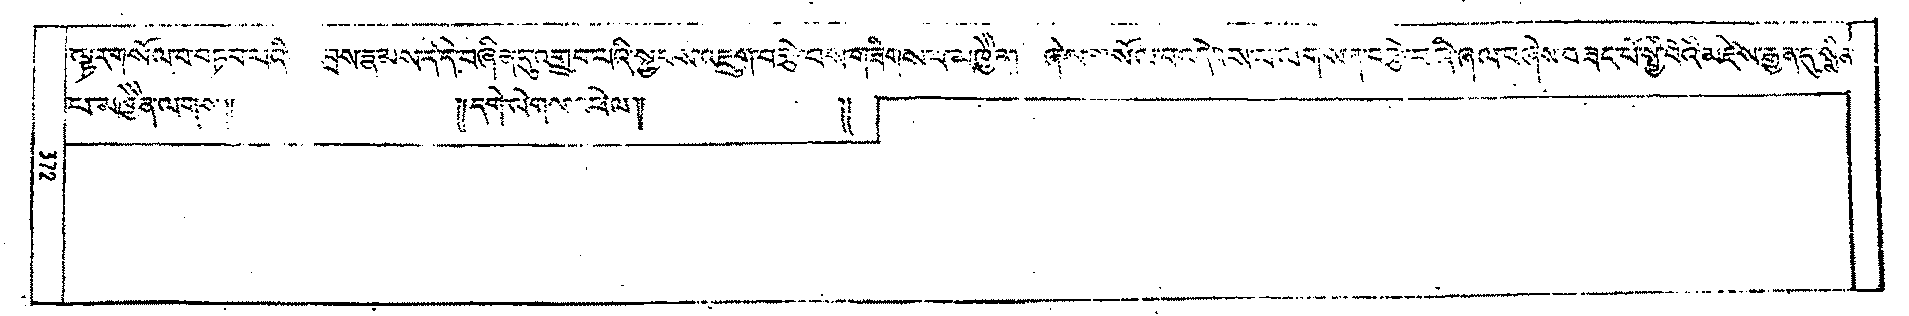ལྟར་གསོལ་བ་བཏབ་པའི་རེ་འབྲས་རྣམས་དེ་དེ་བཞིན་དུ་འགྲུབ་པའི་སྐྱབས་འཇུག་བརྩེ་བས་གཟིགས་པ་མཁྱཻན། ཞེས་གསོལ་བ་འདེབས་པ་ལགས་ན་བརྩེ་བའི་ཞལ་བཞེས་བཟང་པོ་སྤྱི་བོའི་མཛེས་རྒྱན་དུ་སྨིན་
པ་མཁྱཻཨེན་ལགས།། །།དགེ་ལེགས་འཕེལ།། །།